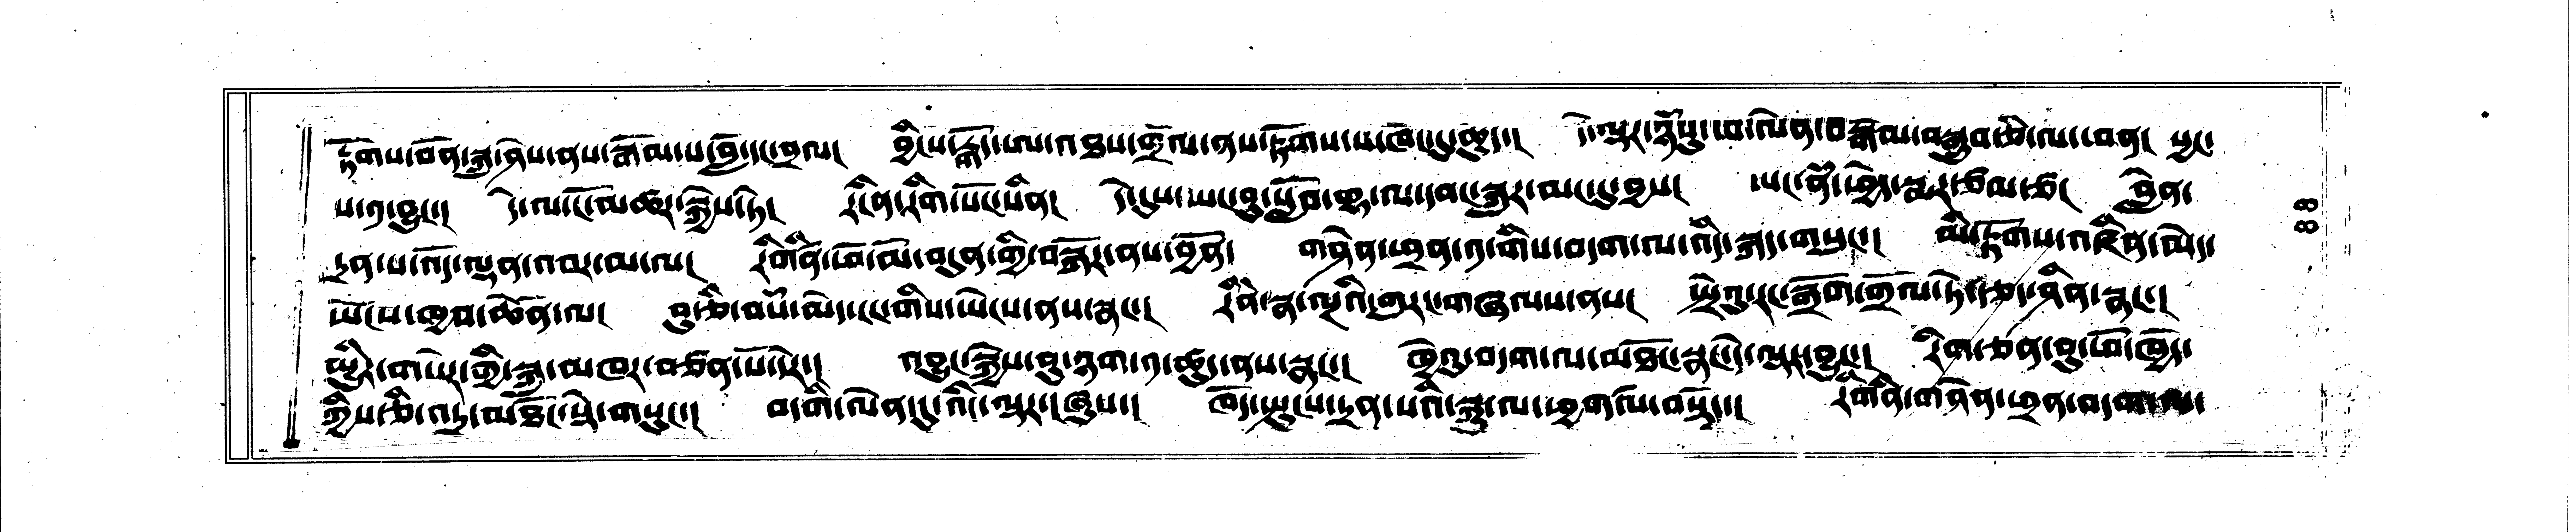རྟོག་བོན་སྐུ་ཤེས་ནས་སྒོམ་པ་བློ་དང་བྲལ། བྱིང་རྒོད་ཨ་འཐས་གྲོལ་ནས་རྟོགས་པ་ཁོང་དུ་ཆུད། དེ་ལྟར་ཉམས་སུ་མ་ལེན་བསྒོམ་བསྒྲུབ་ཅི་ལ་ཕན། གསང་
པ་གཅིག་བྱུང་། དེ་ལ་ངོ་མཚར་སྐྱེས་ཏེ། རང་བཞིན་རིག་སོང་སིན། དེ་དུས་ཡང་བུ་སློབ་གྷ་ལ་དབང་སྐུར་མང་དུ་བྱས། ཡང་ནམ་ཕྱེད་སྨར་ཙམ་ཙ། བླ་
ཆེན་དྲན་པ་འོད་ལྡན་འབར་མ་ལ། རིག་འཛིན་ཕོ་མོ་བདུན་གྱིས་བསྐོར་ནས་བྱོན། གཤེན་ཕྲན་གཅིག་གིས་བདག་ལ་འདི་སྐད་གསུངས། མི་རྟོག་འཛིན་མེད་
ཡོངས་ཁྱབ་ཆེན་པོ་ལ། བུ་ཅི་བསམ་མེད་ངང་གིས་ཡེངས་ནས་སྣང་། རིན་ཆེན་སྣ་ལྔའི་གུར་ཁང་གཞལ་ཡས་ནས། སྤྲེའུ་རང་སྒྲོག་གྲོལ་ཏེ་རྩད་ཤིན་སྣང་། 
་འགྱུར་གསེར་གྱི་སྐུ་མཁར་བཙན་པོ་དེར། འབྱུང་སྐྱེས་བུ་ཉག་གཅིག་ཚུད་ནས་སྣང་། ཁྱེའུ་བདག་ལ་མཐོང་སྣང་དེ་ལྟར་བྱུང་། རིག་ཅན་བུ་ཕོ་ཁྱོད་
ཀྱིས་ཅི་འདྲ་མཐོང་སྟེ་གསུང་། བདག་གི་ལེན་དུ་འདི་ལྟར་ཞུས། ཁོད་སྤུངས་དྲན་པའི་སྐུ་ལ་ཕྱག་འཚལ་བསྟོད། རིག་འཛིན་གཤེན་ཕྲན་བདག་ལ་